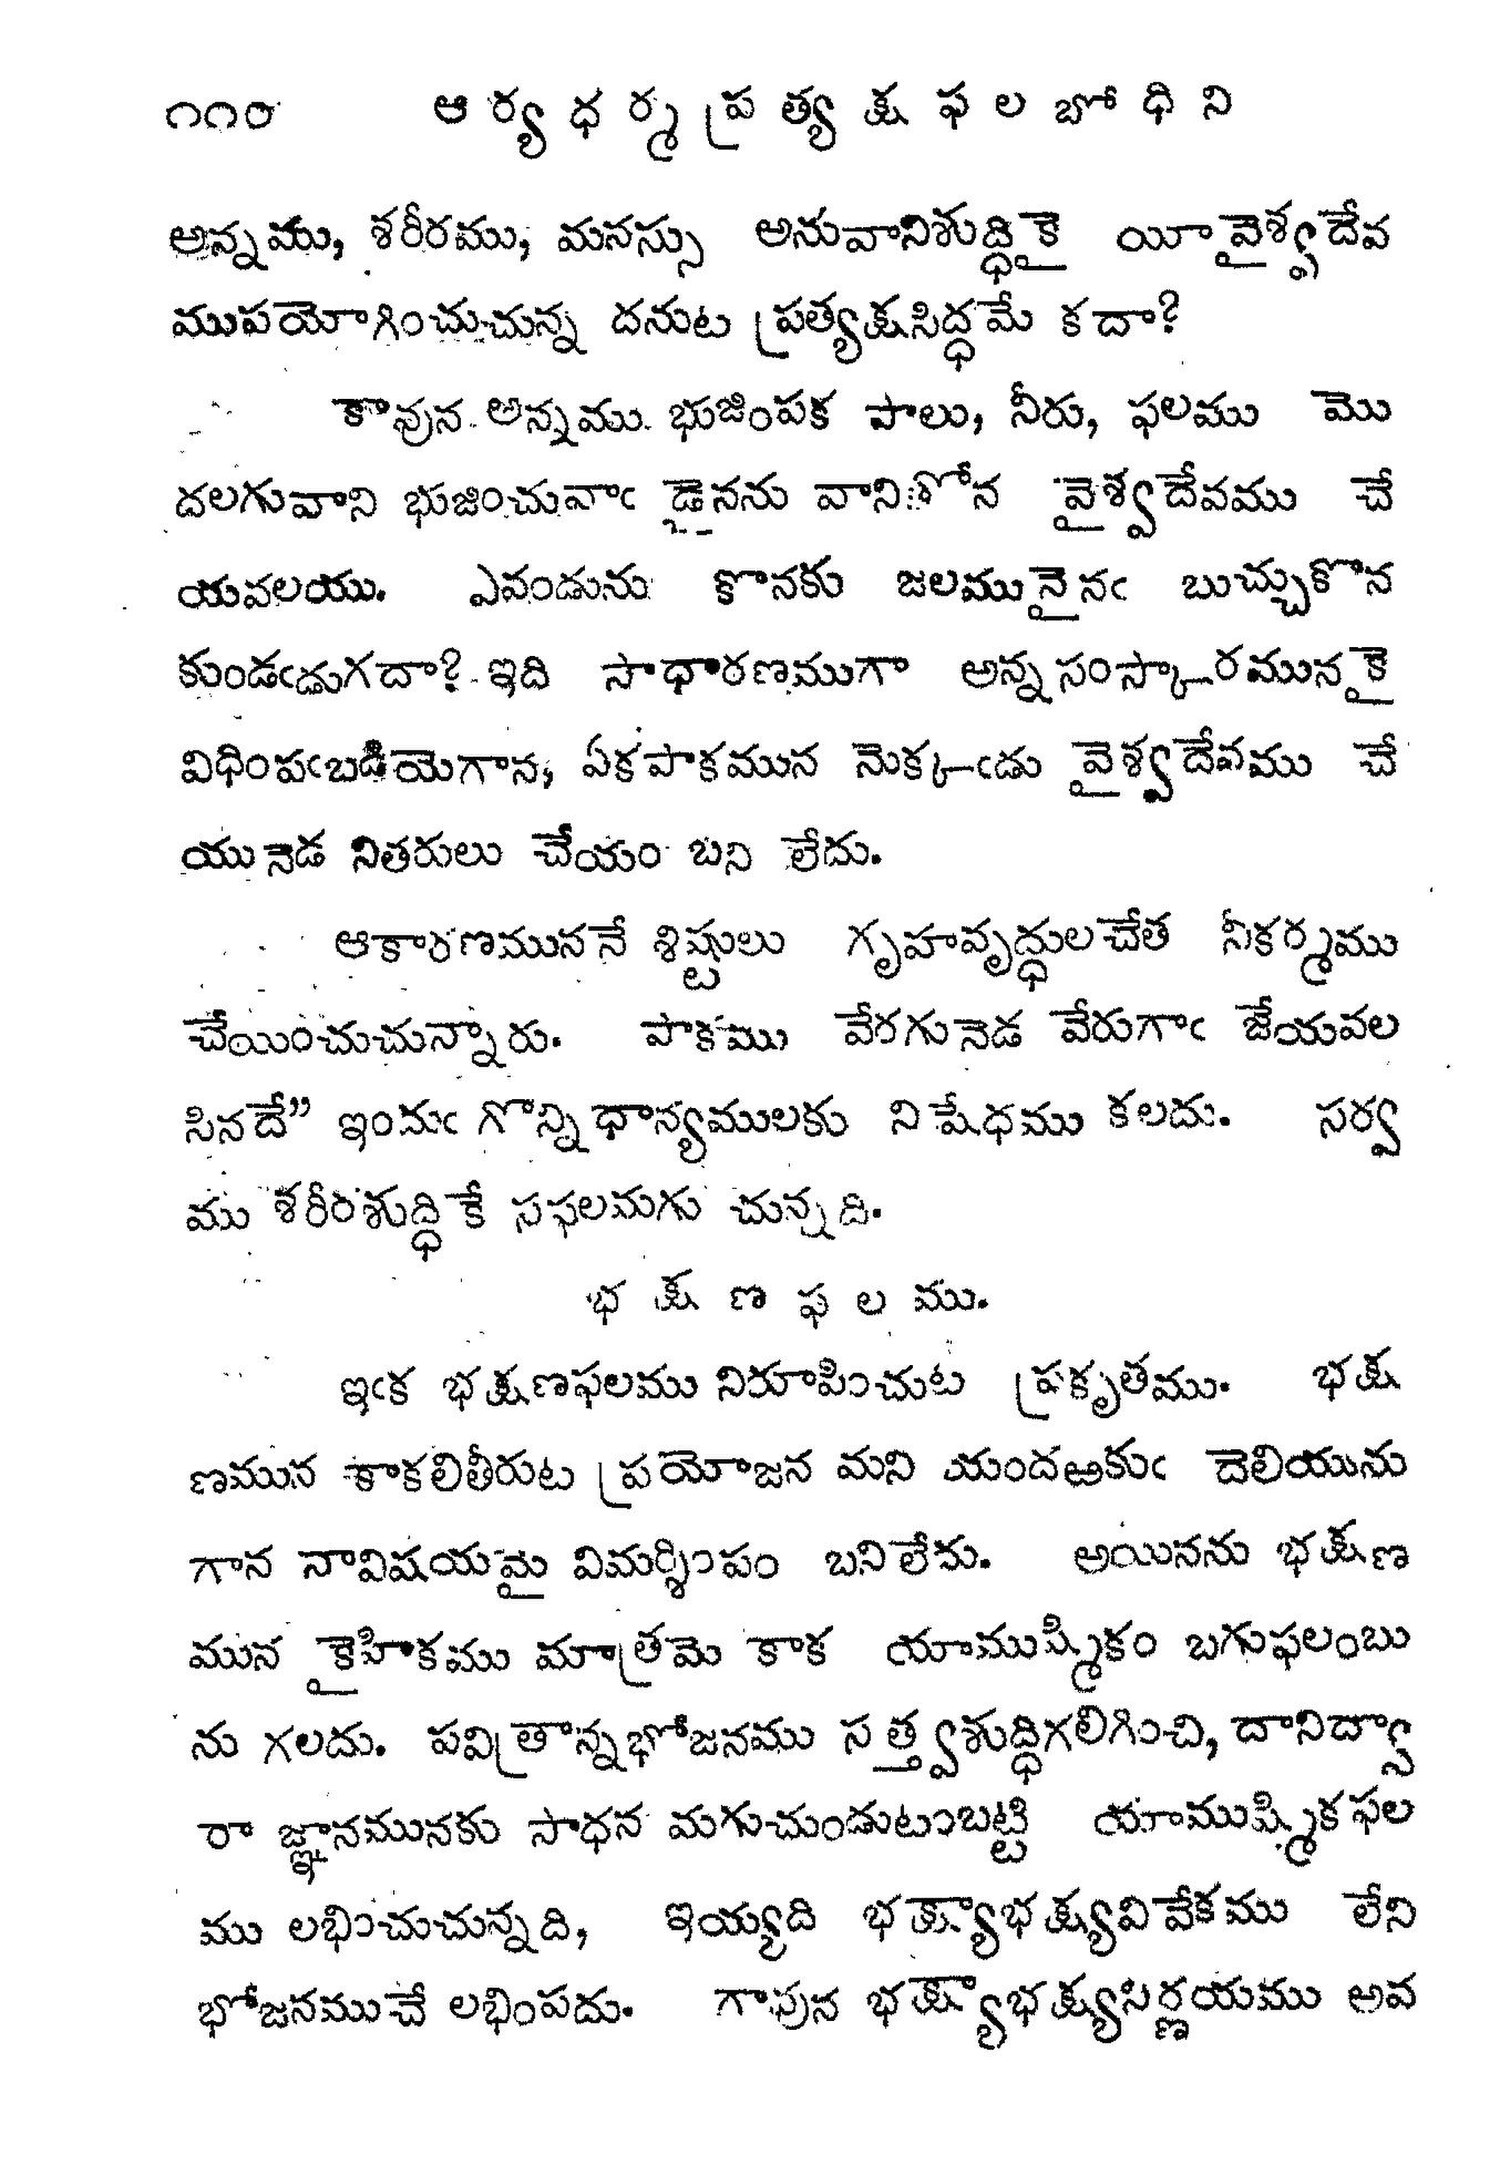అన్నము, శరీరము, మనస్సు అనువానిశుద్ధికై యీవైశ్వదేవముపయోగించుచున్న దనుట ప్రత్యక్షసిద్ధమే కదా?

కావున అన్నము భుజింపక పాలు, నీరు, ఫలము మొదలగువాని భుజించువాఁ డైనను వానితోన వైశ్వదేవము చేయవలయు. ఎవండును కొనకు జలమునైనఁ బుచ్చుకొనకుండఁడుగదా?. ఇది సాధారణముగా అన్నసంస్కారమునకై విధింపఁబడియెగాన, ఏకపాకమున నొక్కఁడు వైశ్వదేవము చేయునెడ నితరులు చేయం బని లేదు.

ఆకారణముననే శిష్టులు గృహవృద్ధులచేత నీకర్మము చేయించుచున్నారు. పాకము వేరగునెడ వేరుగాఁ జేయవలసినదే” ఇందుఁ గొన్నిధాన్యములకు నిషేధము కలదు. సర్వము శరీరశుద్ధికే సఫలమగు చున్నది.

ఇఁక భక్షణఫలము నిరూపించుట ప్రకృతము. భక్షణమున కాకలితీరుట ప్రయోజన మని యందఱకుఁ దెలియును గాన నావిషయమై విమర్శింపం బనిలేదు. అయినను భక్షణమున కైహికము మాత్రమె కాక యాముష్మికం బగుఫలంబును గలదు. పవిత్రాన్నభోజనము సత్త్వశుద్ధిగలిగించి, దానిద్వారా జ్ఞానమునకు సాధన మగుచుండుటంబట్టి యాముష్మికఫలము లభించుచున్నది, ఇయ్యది భక్ష్యాభక్ష్యవివేకము లేని
భోజనముచే లభింపదు. గావున భక్ష్యాభక్ష్యనిర్ణయము అవ